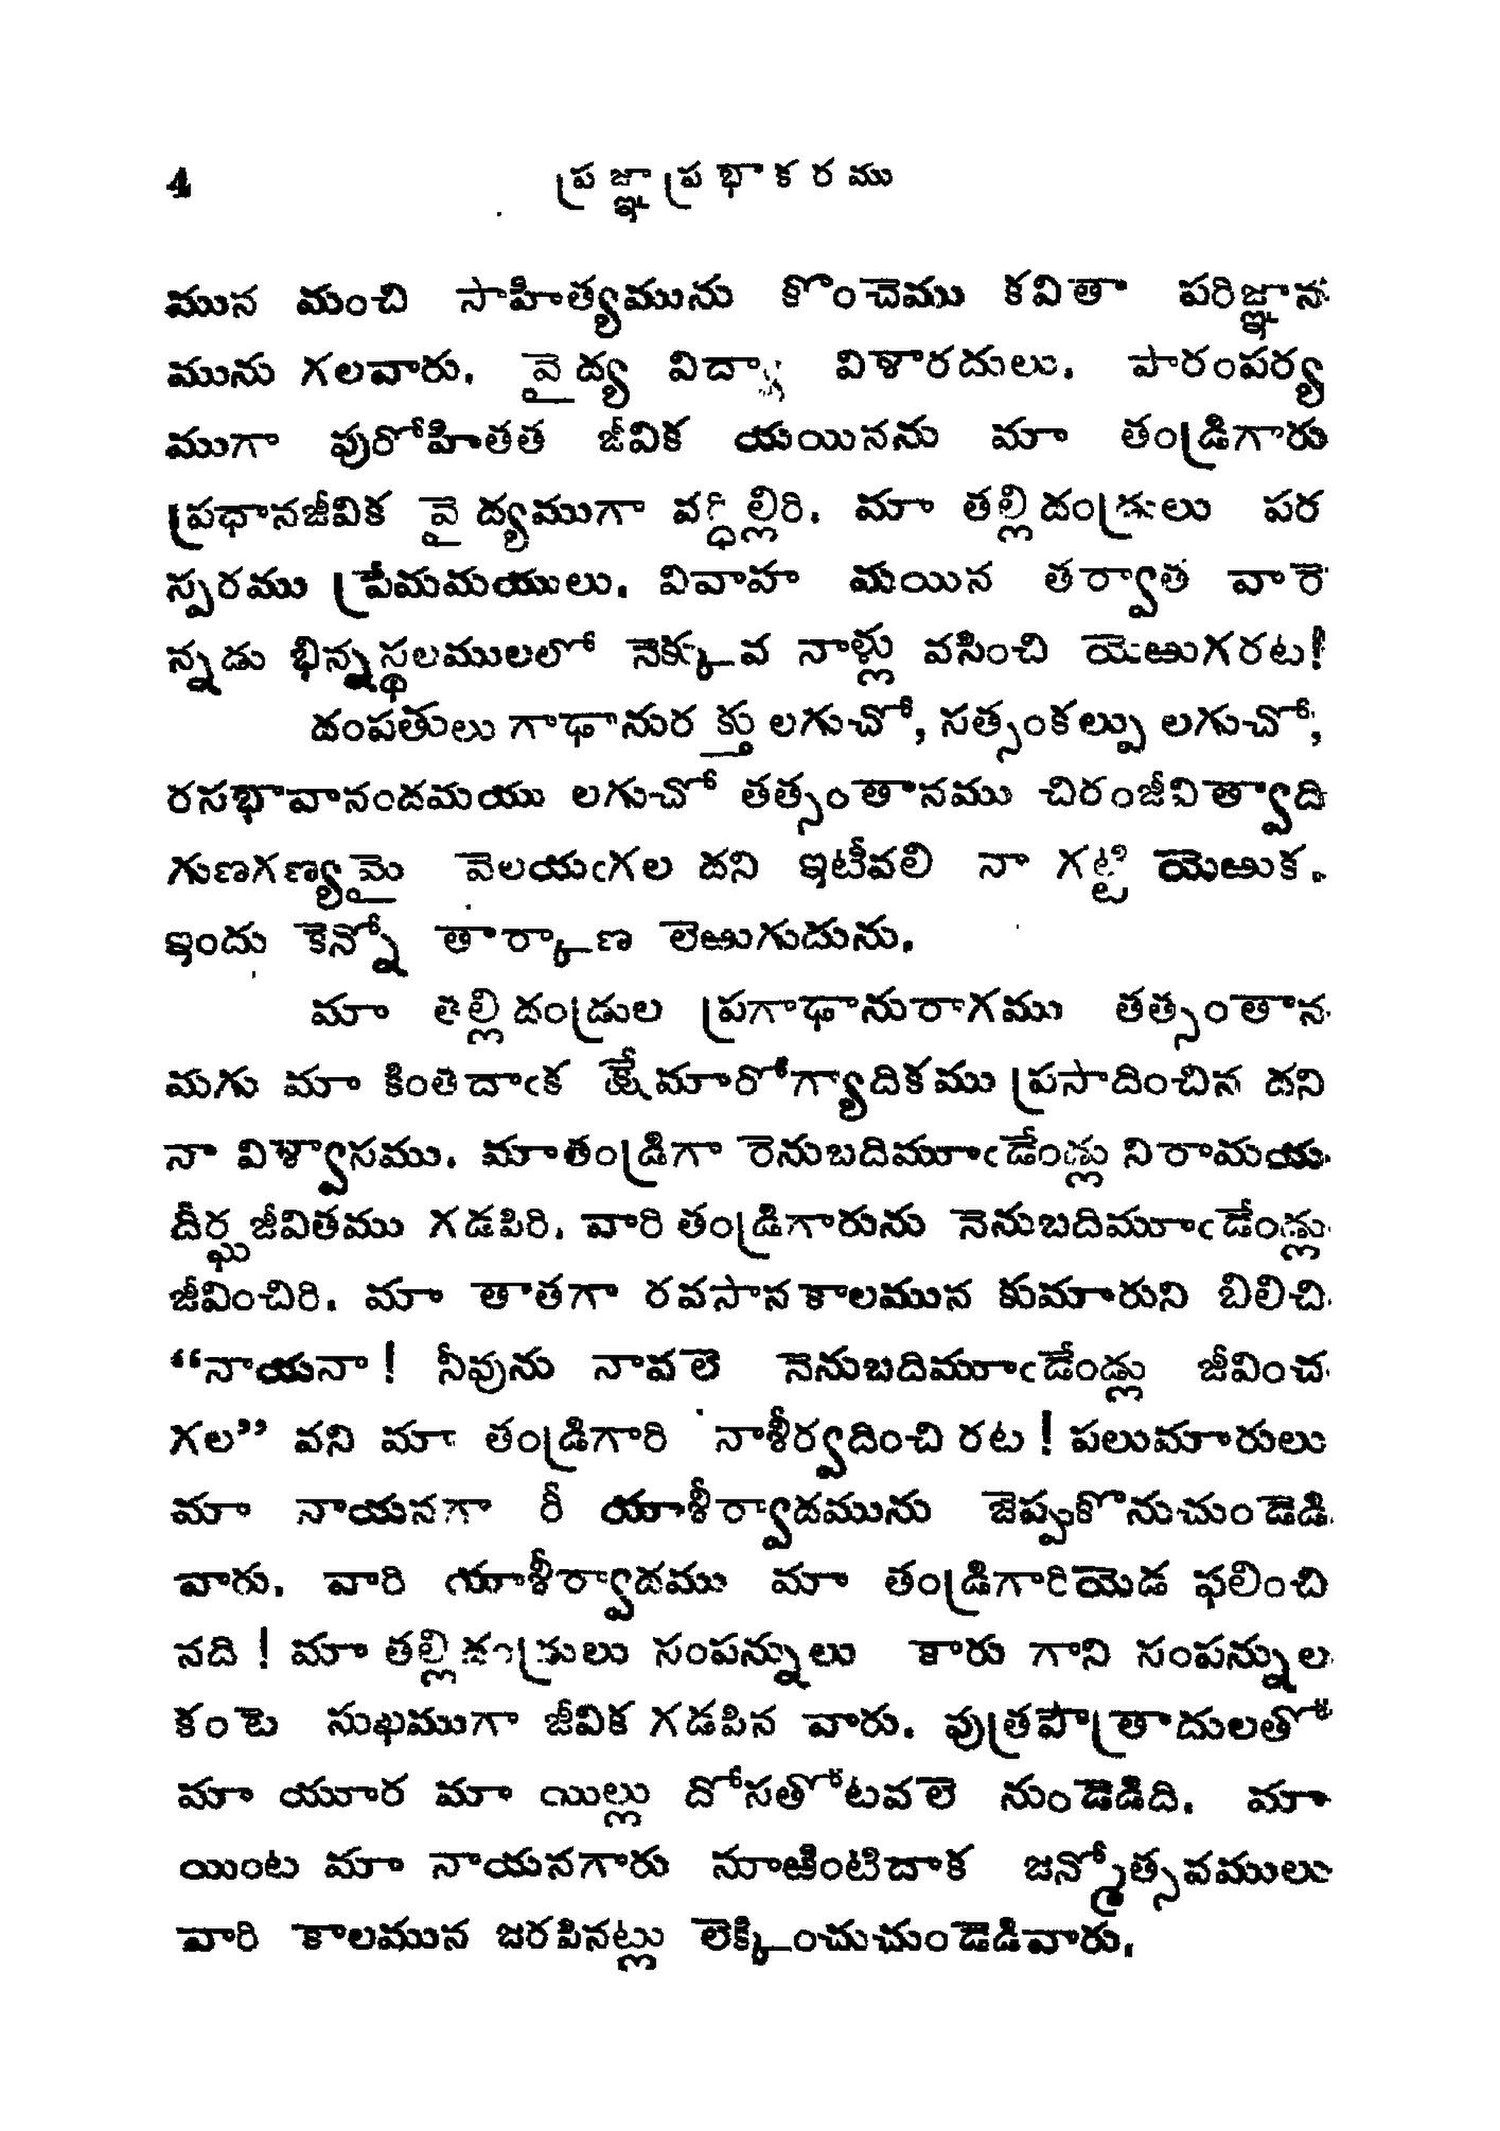మున మంచి సాహిత్యమును కొంచెము కవితా పరిజ్ఞానమును గలవారు. వైద్య విద్యా విశారదులు. పారంపర్యముగా పురోహితత జీవిక యయినను మా తండ్రిగారు ప్రధానజీవిక వైద్యముగా వర్దిల్లిరి. మా తల్లిదండ్రులు పరస్పరము ప్రేమ మయులు. వివాహమయిన తర్వాత వారెన్నడు భిన్నస్ధలము లలో నెక్కువ నాళ్లు వసించి యెఱుగరట!

దంపతులు గాఢనుర క్తులగుచో, సత్సంకల్పులగుచో, రసభావానందమయు లగుచో తత్సంతానము చిరంజీవి త్వాది గుణగణ్యమై వెలయఁగల దని ఇటీవలి నా గట్టి యెఱుక. ఇందు కెన్నో తార్కాణ లెఱుగుదును.
 
మా తల్లిదండ్రుల ప్రగాఢనురాగము తత్సంతాన మగు మా కింత దాఁక క్షేమారోగ్యదికము ప్రసాదించిన దని నా విశ్వాసము. మా తండ్రిగా రెనుబదిమూఁడెండ్లు నిరామయ దీర్ఘ జీవితము గడిపిరి. వారి తండ్రిగారును నెనుబదిమూఁ డెండ్లు జివించిరి. మా తాతగా రవసాన కాలమున కుమారుని బిలిచి "నాయమా! నీవును నావలె నెనుబదిమూఁడెండ్లు జీవించగల" వని మా తండ్రిగారి నాశిర్వదమును రట! పలుమారులు మా నాయనగా రీ యాశీర్వదమును జెప్పుకొను చుండెడి వారు. వారి యాశీర్వదము మా తండ్రి గారి యెడ ఫలించి నది! మా తలిదండ్రు సంపన్నులు కారు గాని సంపన్నుల కంటె సుఖముగా జీవిక గడపిన వారు. పుత్రుపౌత్రాదులతో మా యూర మాయిల్లు దోసతోటవలె నుండెడిది. మా యింట మా నాయనగారు నూఱింటి దాక జన్మోత్సవములు వారి కాలమున జరపినట్లు లెక్కించుచుండెడి వారు.